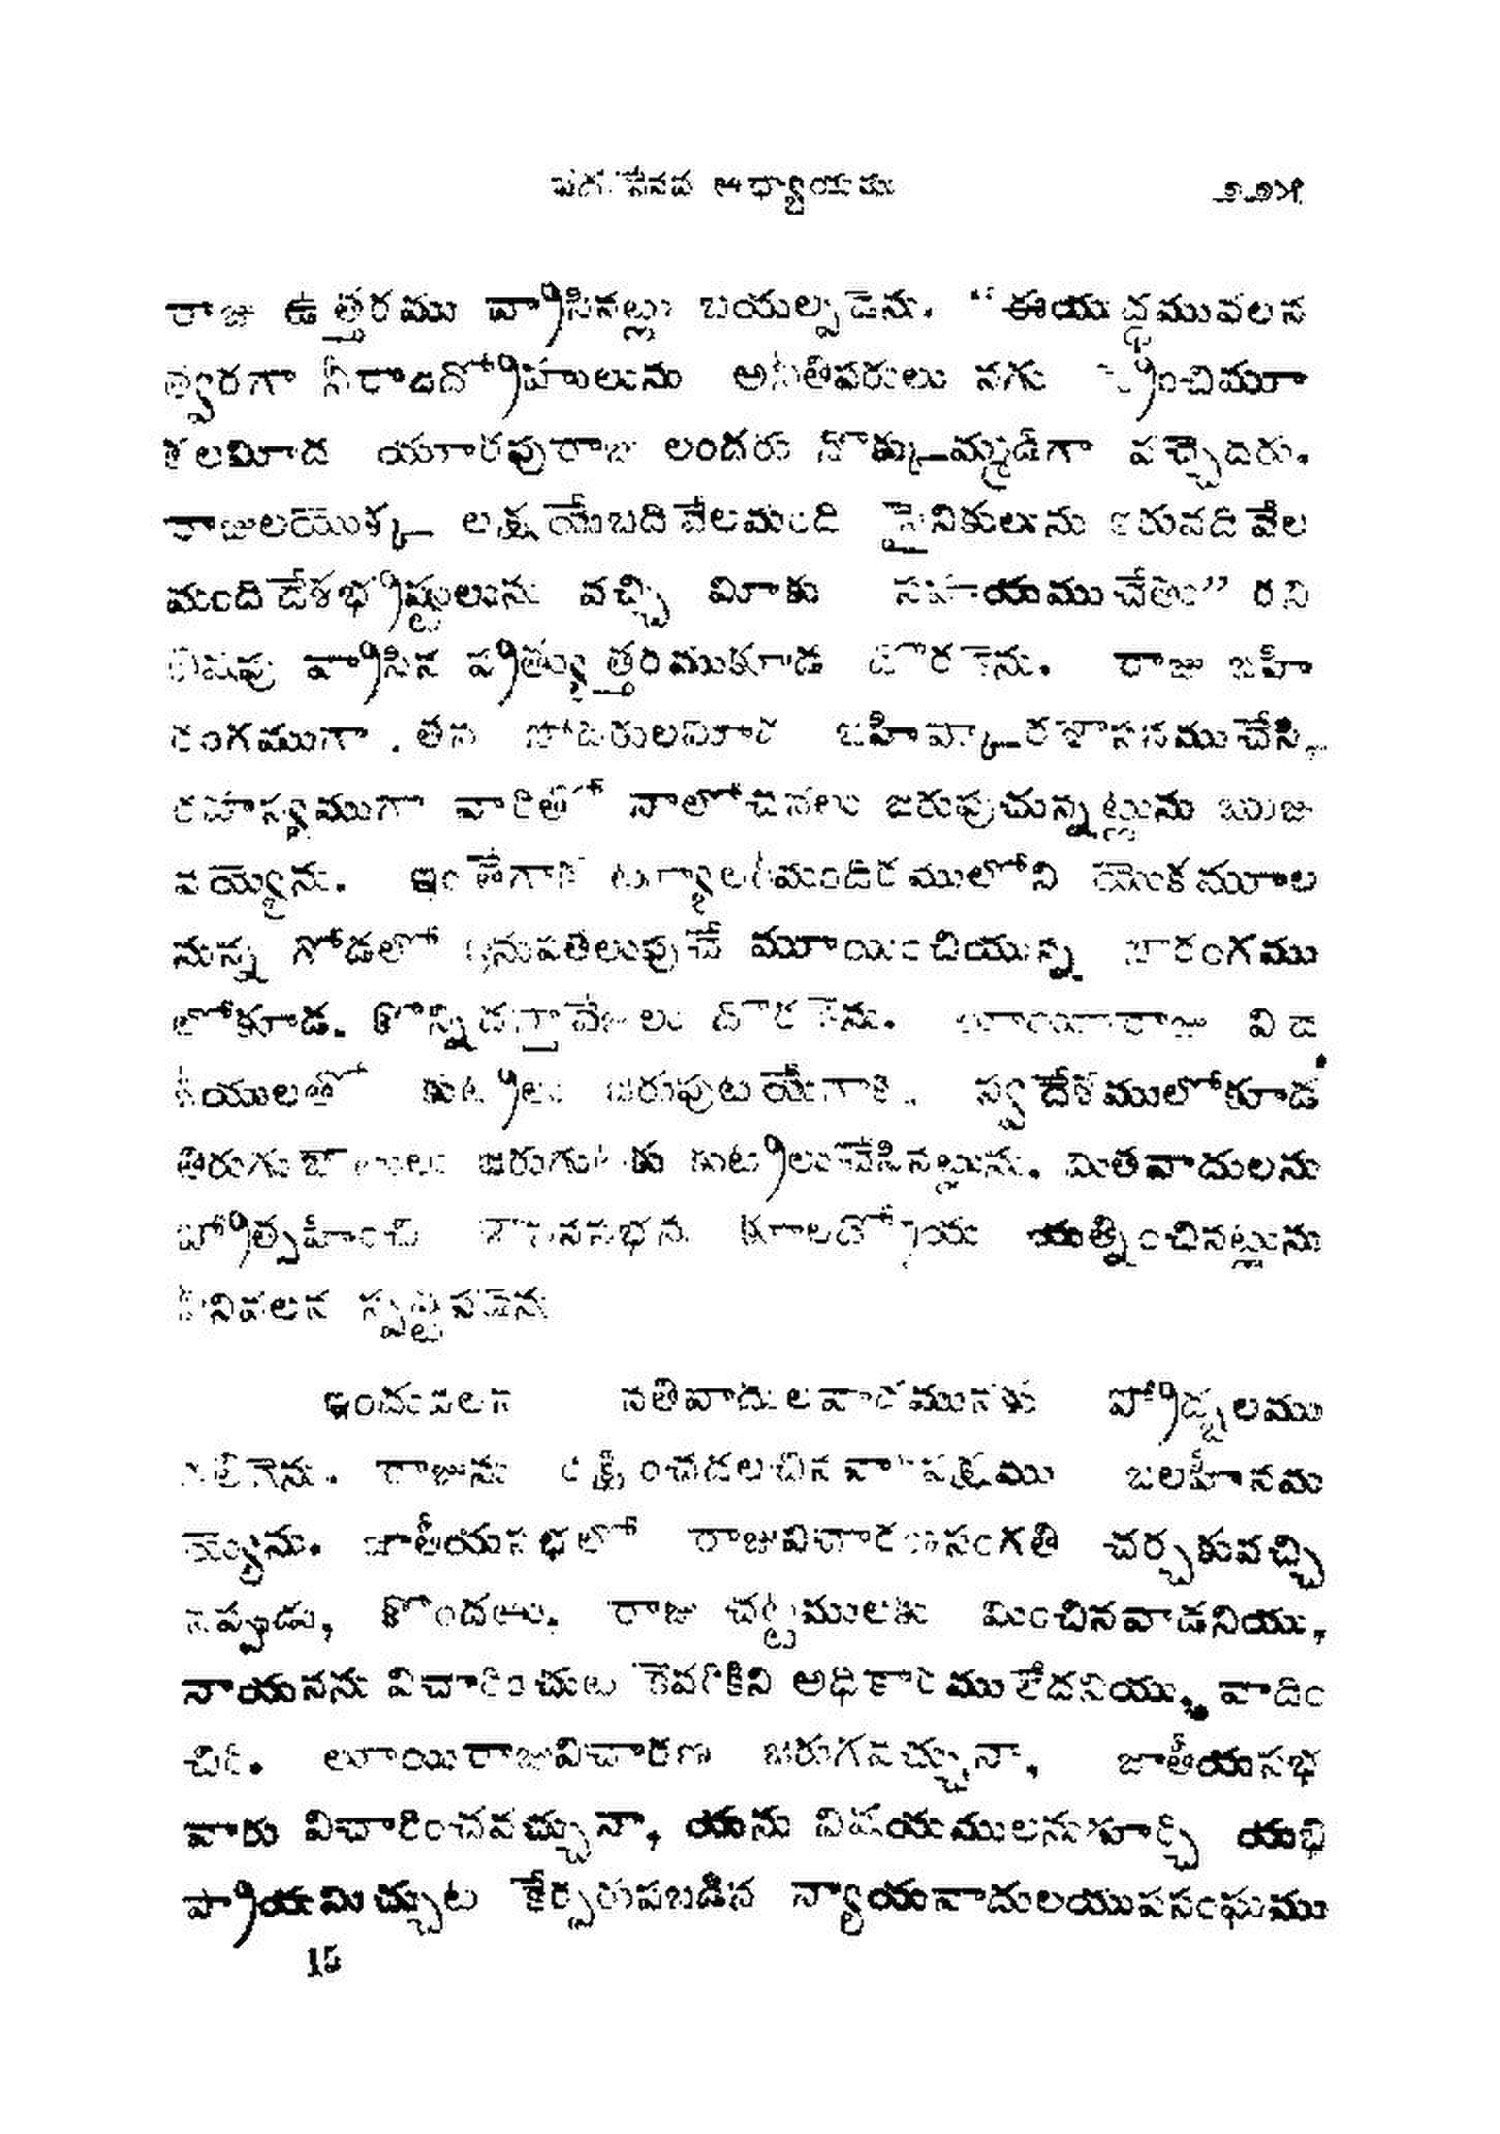నారాయి
రాజు ఉత్తరము వ్రాసినట్లు బయల్పడెను. “ఈయద్దమువలన
త్వరగా నీ రాజద్రోహులును అనీతిపరులు నగు ఫ్రెంచిమూ
తలమీద యూరపురాజు లందరు నొక్కుమ్మడిగా వచ్చెదరు.
రాజులయొక్క లక్షయేబది వేల మంది సైనికులును అరువది వేల
మంది దేశ భ్రష్టులును వచ్చి మీకు సహాయముచే తు" రని
బిషపు రాసిన ప్రత్యుత్తరముకూడ దొరకెను. రాజు బహిరంగముగా
తన సోదారుల మీద బహిప్కారశాసనము చేసి,
రహస్యముగా వారితో నాలోచనలు జరుపుచున్నట్లును బుజు
వయ్యెను. ఇంతేగాక" ట్యూలరీ మందిరములోని ఒక మూల
నున్న గోడలో ఇనుపతలుపు చే మూయించియున్న సొరంగము
లోకూడ. కొన్ని దస్తావేజులు దొరకెను. లూయీరాజు విదేశీయూతో
కుట్రలు జరుఫుటయేగాక. స్వదేశములోకూడ తిరుగు బాటులులు
జరుగు కు కుట్రలు చేసినట్లును, మితవాదులను ప్రోత్సహించి
శాసన సభను కూలద్రోయ యత్నించి నట్లును వీని వలన స్పష్ట పడెను.

ఇందు వలన నతి వాదుల వాదమునకు ప్రోద్భలము గలిగెను.
రాజును రక్షించదలచిన వారి పక్షము బలహీనమయ్యెను.
జాతీయ సభలో రాజు విచారణ సంగతి చర్చకు వచ్చి
నప్పుడు కొందరు రాజు చుట్టములకు మించిన వాడనియు,
నాయనను విచారించుట కెవరికిని అధికారము లేదనియు, వాదించిరి.
లూయి. రాజవిచారణ జరుగవచ్చునా, జాతీయసభ
వారు విచారించ వచ్చునా, యను విషయములను గూర్చి యభి
ప్రాయమిచ్చుట కేర్పరుపబడిన న్యాయవాదుల యుప సంఘము